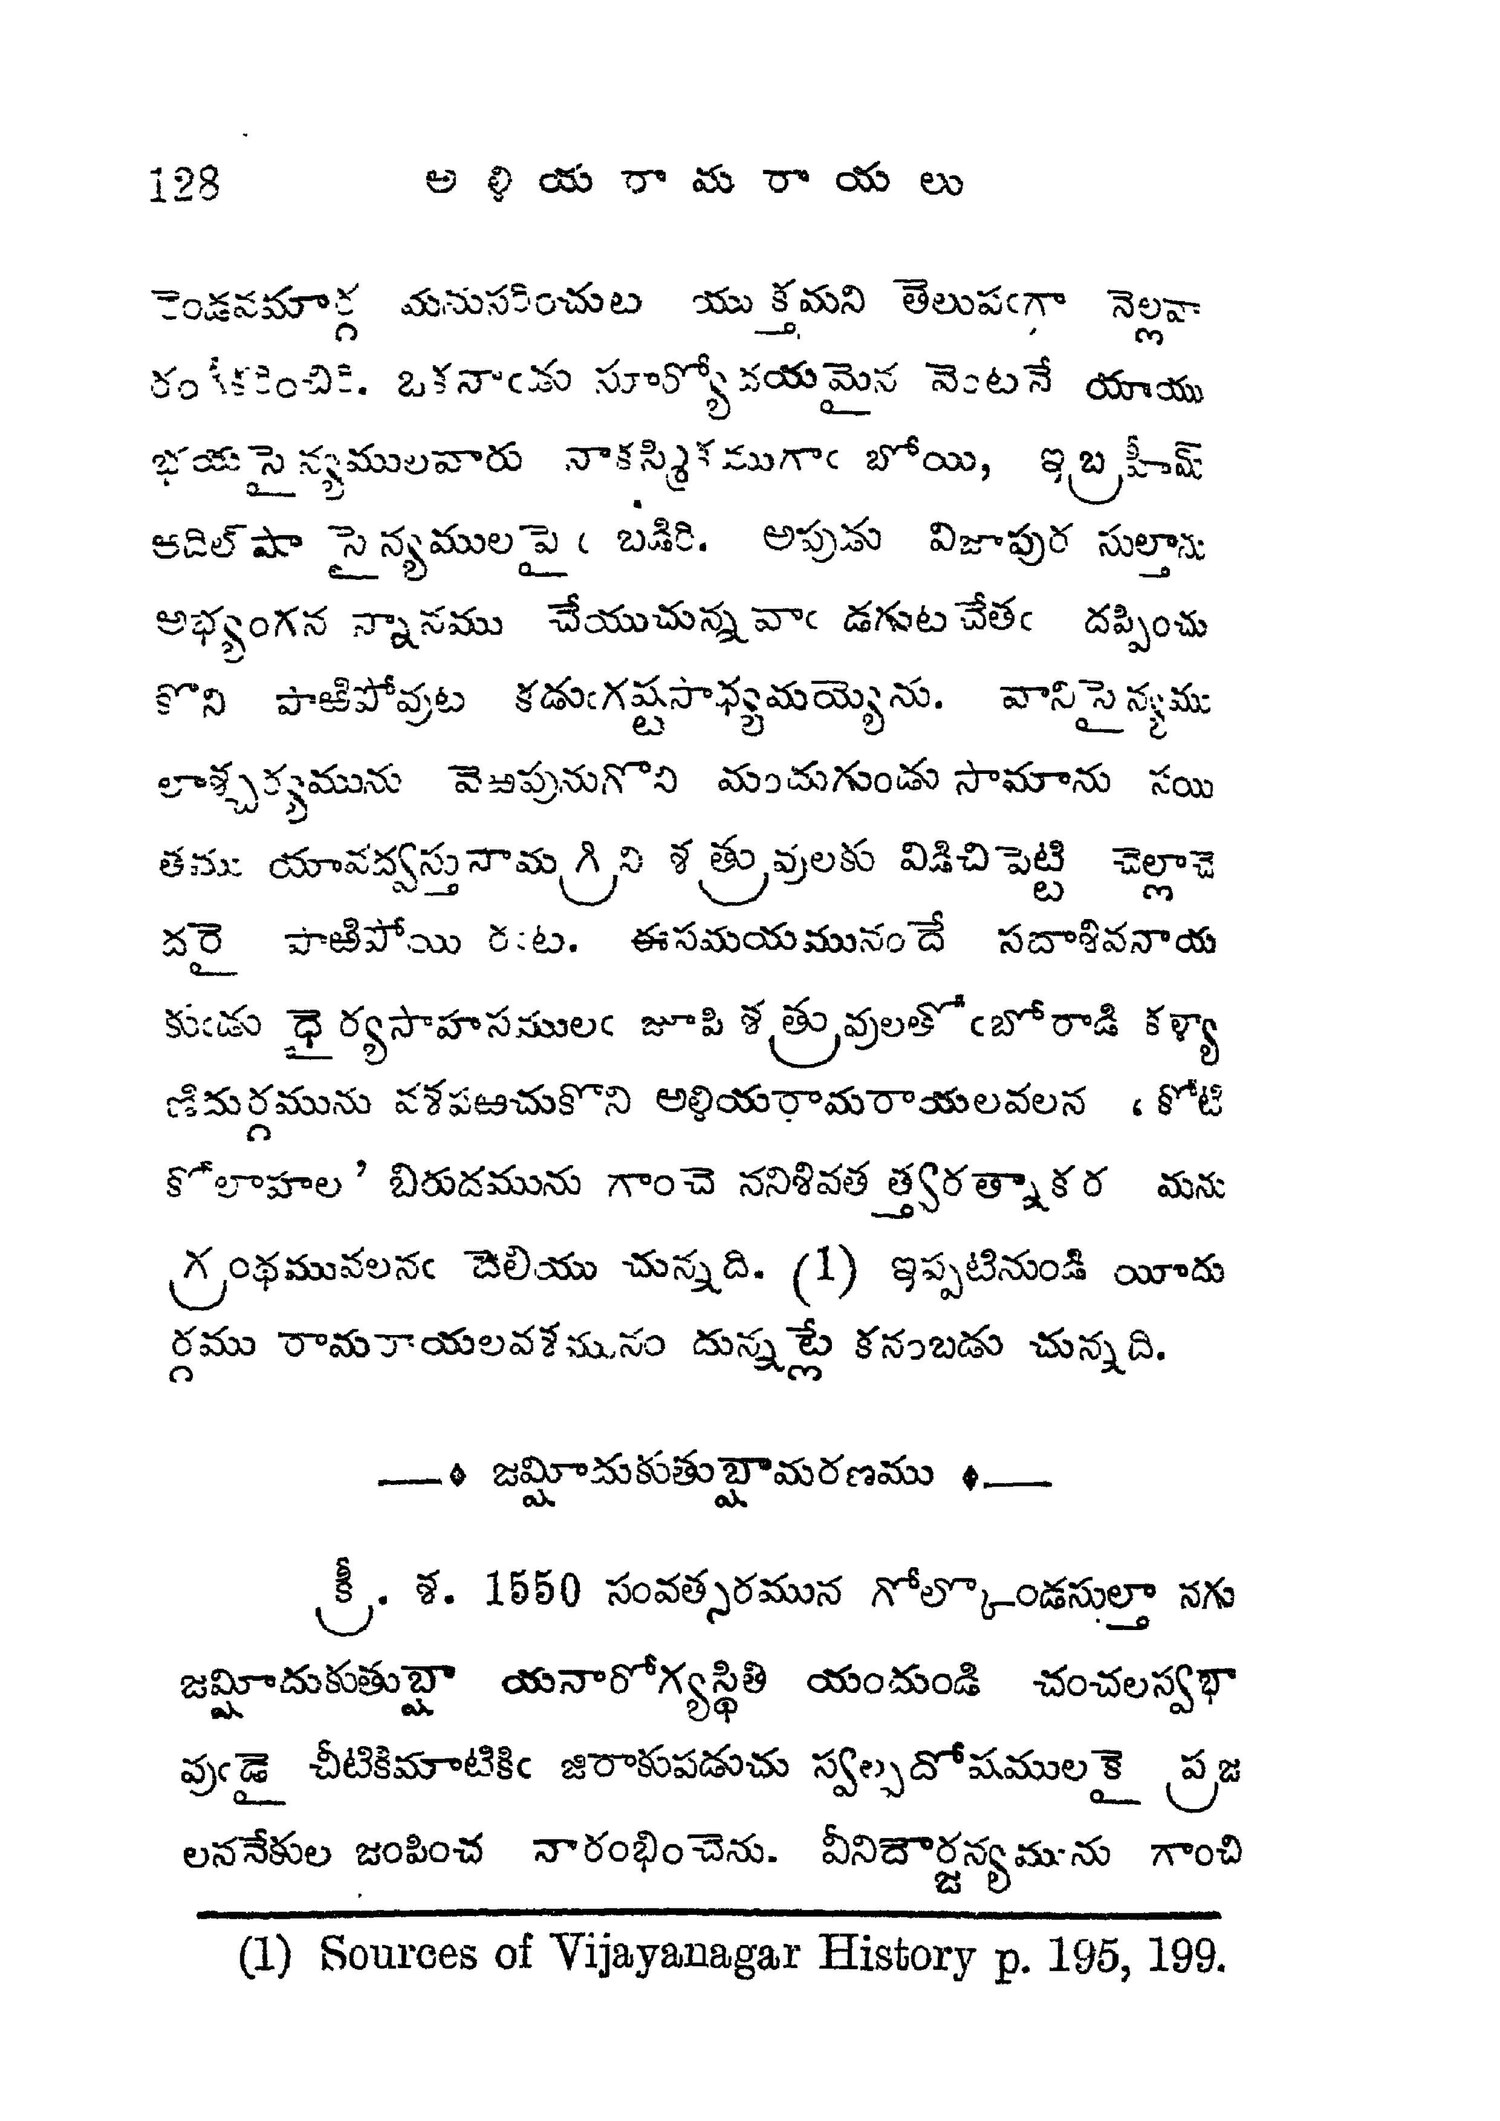రెండవమార్గ మనుసరించుట యుక్తమని తెలుపగా నెల్లవారంగీకరించిరి. ఒకనాడు సూర్యోదయమైన వెంటనే యాయుభయసైన్యములవారు నాకస్మికముగా బోయి, ఇబ్రహీమ్‌ఆదిల్‌షా సైన్యములపై బడిరి. అపుడు విజాపుర సుల్తాను అభ్యంగన స్నానము చేయుచున్నవా డగుటచేత దప్పించుకొని పాఱిపోవుట కడుగష్టసాధ్యమయ్యెను. వానిసైన్యము లాశ్చర్యమును వెఱవునుగొని మందుగుండు సామాను సయితము యాపద్వస్తుసామగ్రిని శత్రువులకు విడిచిపెట్టి చెల్లాచెదరై పాఱిపోయి రట. ఈసమయమునందే సదాశివనాయకుడు ధైర్యసాహసముల జూపి శత్రువులతో బోరాడి కళ్యాణిదుర్గమును వశపఱచుకొని అళియరామరాయలవలన 'కోటికోలాహల' బిరుదమును గాంచె ననిశివతత్త్వరత్నాకర మను గ్రంథమువలన దెలియు చున్నది. ఇప్పటినుండి యీదుర్గము రామరాయలవశమునం దున్నట్లే కనబడు చున్నది.

క్రీ. శ. 1550 సంవత్సరమున గోల్కొండసుల్తా నగు జమ్షీదుకుతుబ్షా యనారోగ్యస్థితి యందుండి చంచలస్వభావుడై చీటికిమాటికి జిరాకుపడుచు స్వల్పదోషములకై ప్రజలననేకుల జంపించ నారంభించెను. వీనిదౌర్జన్యమును గాంచి